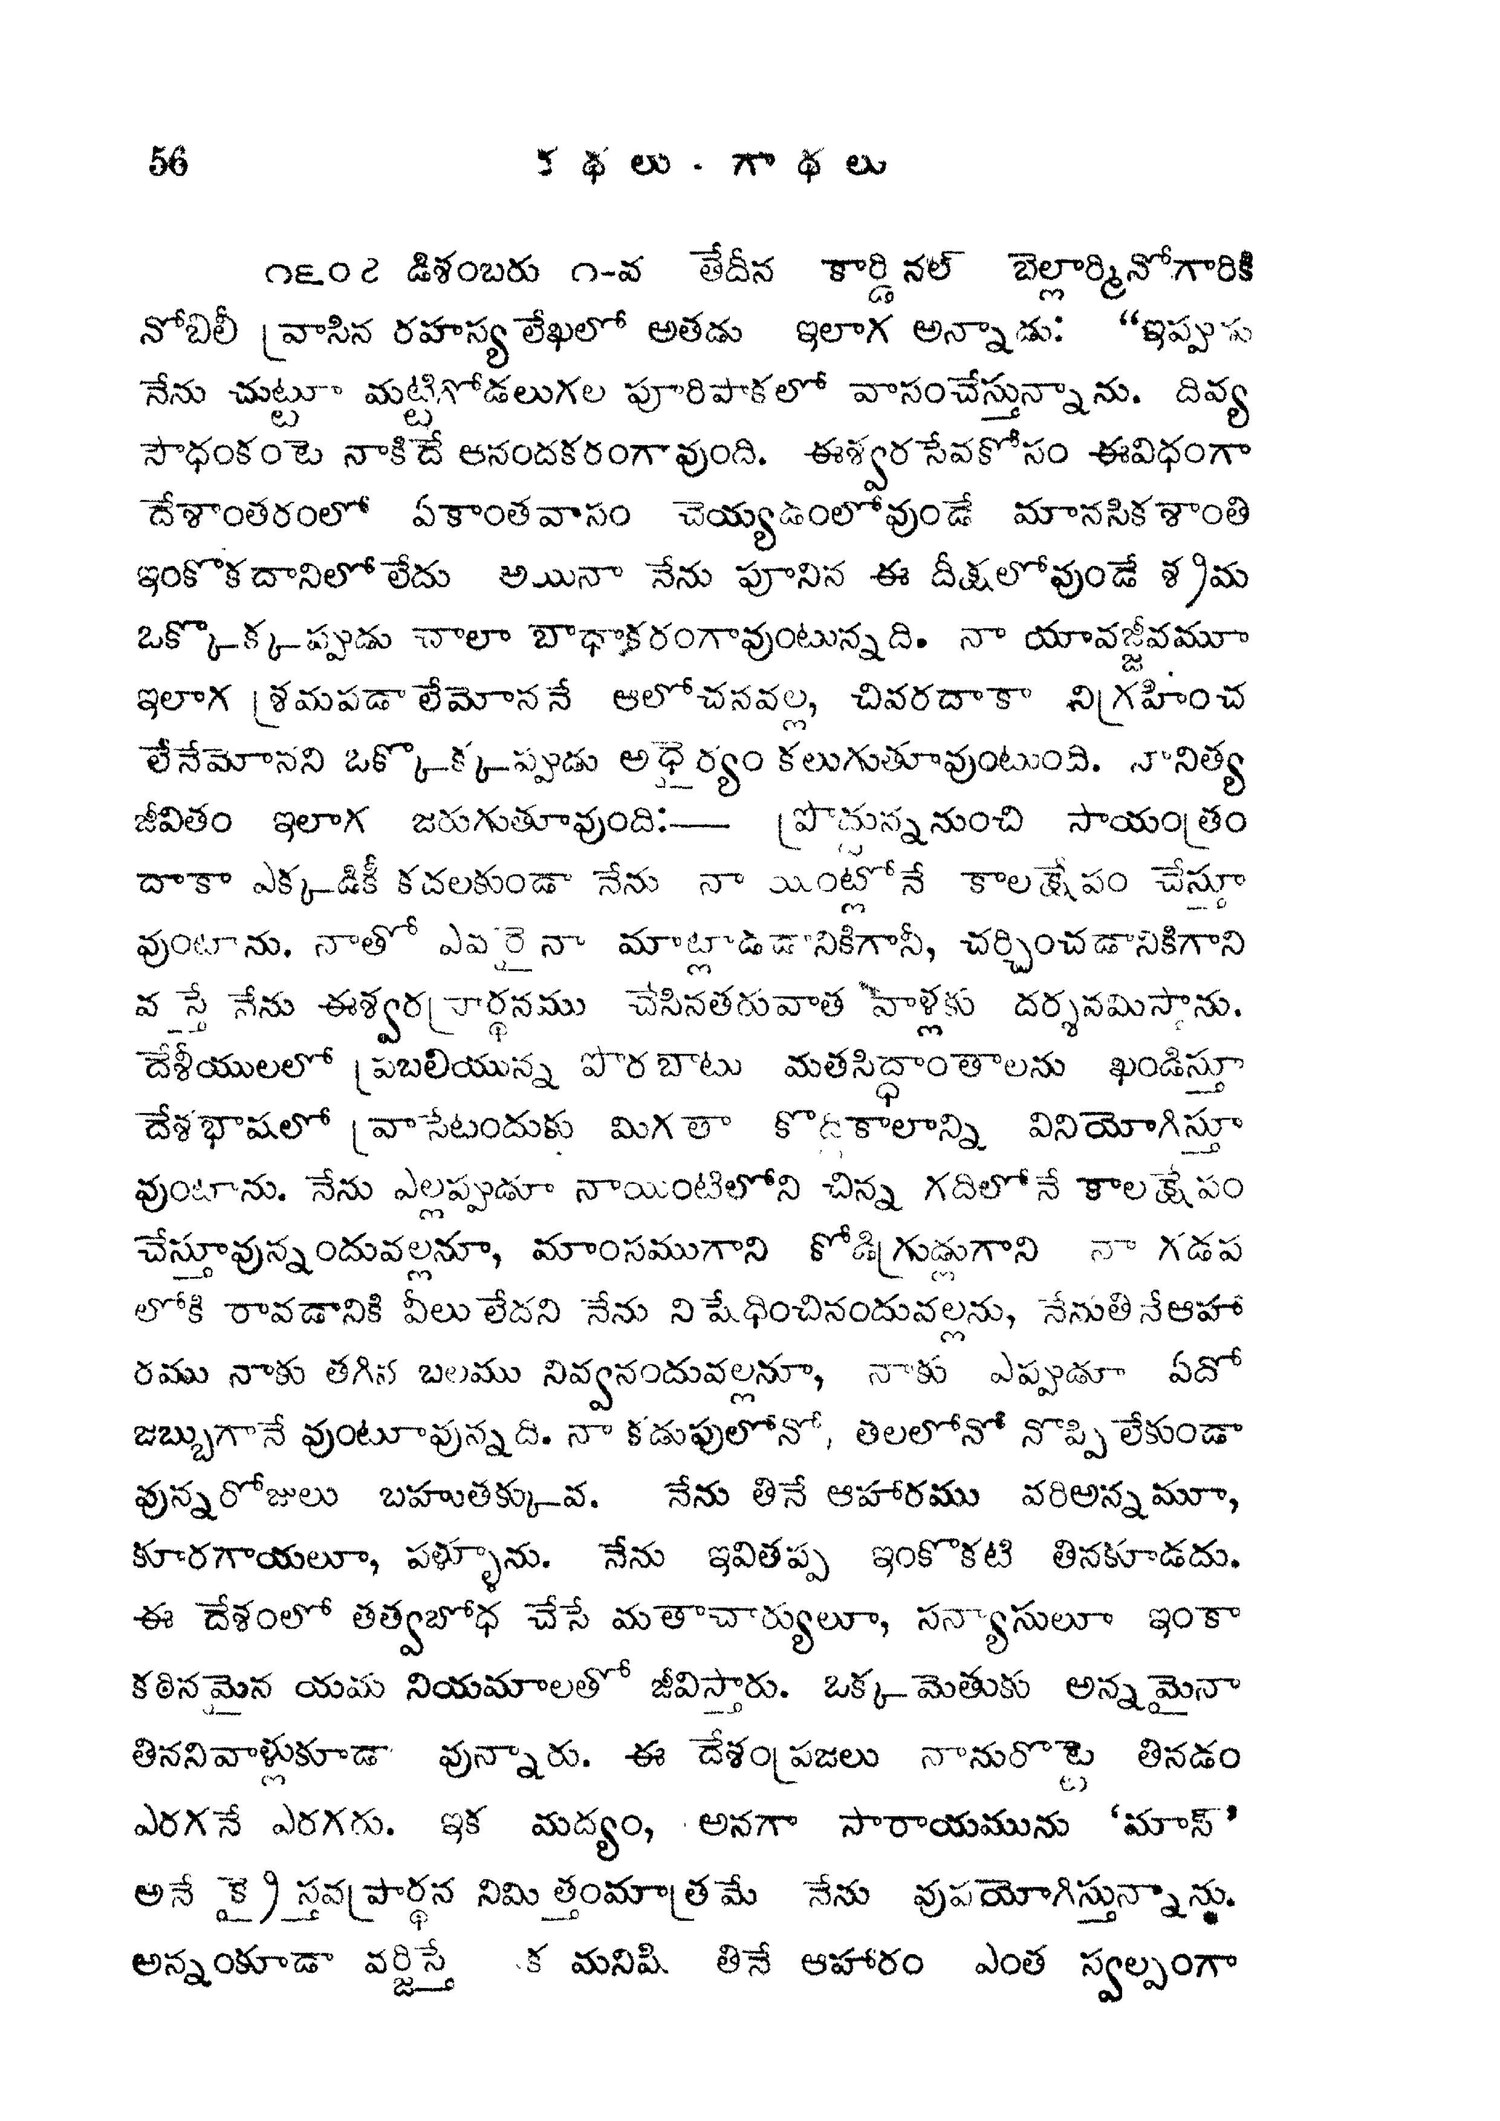1907 డిశంబరు 1 వ తేదీన కార్దినల్ బెల్లార్మినోగారికి నోబిలీ వ్రాసిన రహస్య లేఖలో అతడు ఇలాగ అన్నాడు. "ఇప్పుడు నేను చుట్టూ మట్టిగోడలుగల పూరి పాకలో వాసంచేస్తున్నాను. దివ్యసౌధంకంటె నాకిదే ఆనందకరంగా వుంది. ఈశ్వరసేవకోసం ఈవిధంగా దేశాంతరంలో ఏకాంతవాసం చెయ్యడంలో వుండే మానసికశాంతి ఇంకొకదానిలో లేదు. అయినా నేను పూనిన ఈదీక్షలోవుండే శ్రమ ఒక్కొక్కపుడు చాలా భాధాకరంగావుంటున్నది. నాయవజ్జీవము ఇలాగ శ్రమపడాలేమోననే ఆలోచనవల్ల, చివరదాకా నిగ్రహించలేనేమోనని ఒక్కొక్కపుడు అధైర్యం కలుగుతూవుంటుంది. నానిత్య జీవితం ఇలాగ జరుగుతూఫుంది:- ప్రొద్దున్ననుంచి సాయంత్రం దాకా ఎక్కడికీ కదలకుండా నేను నా యింట్లోనే కాలక్షేపం చేస్తూ వుంటాను. నాతో ఎవరైనా మాట్లాడడానికిగానీ, చర్చించడానికిగాని వస్తే నేను ఈశ్వరప్రార్ధనము చేసినతరువాత వాళ్లకు దర్శనమిస్తాను. దేశీయులలో ప్రబలియున్న పొరబాటు మతసిద్ధాంతాలను ఖండిస్తూ దేశభాషలో వ్రాసేటందుకు మిగతా కొద్దికాలాన్ని వినియోగిస్తూ వుంటాను. నేను ఎల్లప్పుడూ నాయింటిలోని చిన్న గదిలోనే కాలక్షేపం చేస్తూవున్నందువల్లనూ, మాంసముగాని కోడిగ్రుడ్లుగాని నాగడపలోకి రావడానికి వీలులేదని నేను నిషేధించినందువల్లను, నేనుతినేఆహారము నాకు తగిన బలము నివ్వనందువల్లనూ, నాకు ఎప్పుడూ ఏదో జబ్బుగానే వుంటూవున్నది. నాకడుపులోనో, తలలోనో నొప్పిలేకుండా వున్నరోజులు బహుతక్కువ. నేను తినే ఆహారము వరిఅన్నమూ, కూరగాయలూ, పళ్ళూను. నేను ఇవితప్ప ఇంకొకటి తినకూడదు. ఈ దేశంలో తత్వబోధ చేసే మతాచార్యులూ, సన్యాసులూ ఇంకా కఠినమైన యమ నియమాలతో జీవిస్తారు. ఒక్కమెతుకు అన్నమైనా తినని వాళ్లుకూడా వున్నారు. ఈ దేశప్రజలు నానురొట్టె తినడం ఎరగనే ఎరగరు. ఇక మద్యం అనగా సారాయమును 'మాస్ ' అనే క్రైస్తవప్రార్ధన నిమిత్తమాత్రమే నేేను వుపయోగిస్తున్నాను. అన్నంకూడా వర్జిస్తే ఇక మనిషి తినే ఆహారం ఎంత స్వల్పంగా